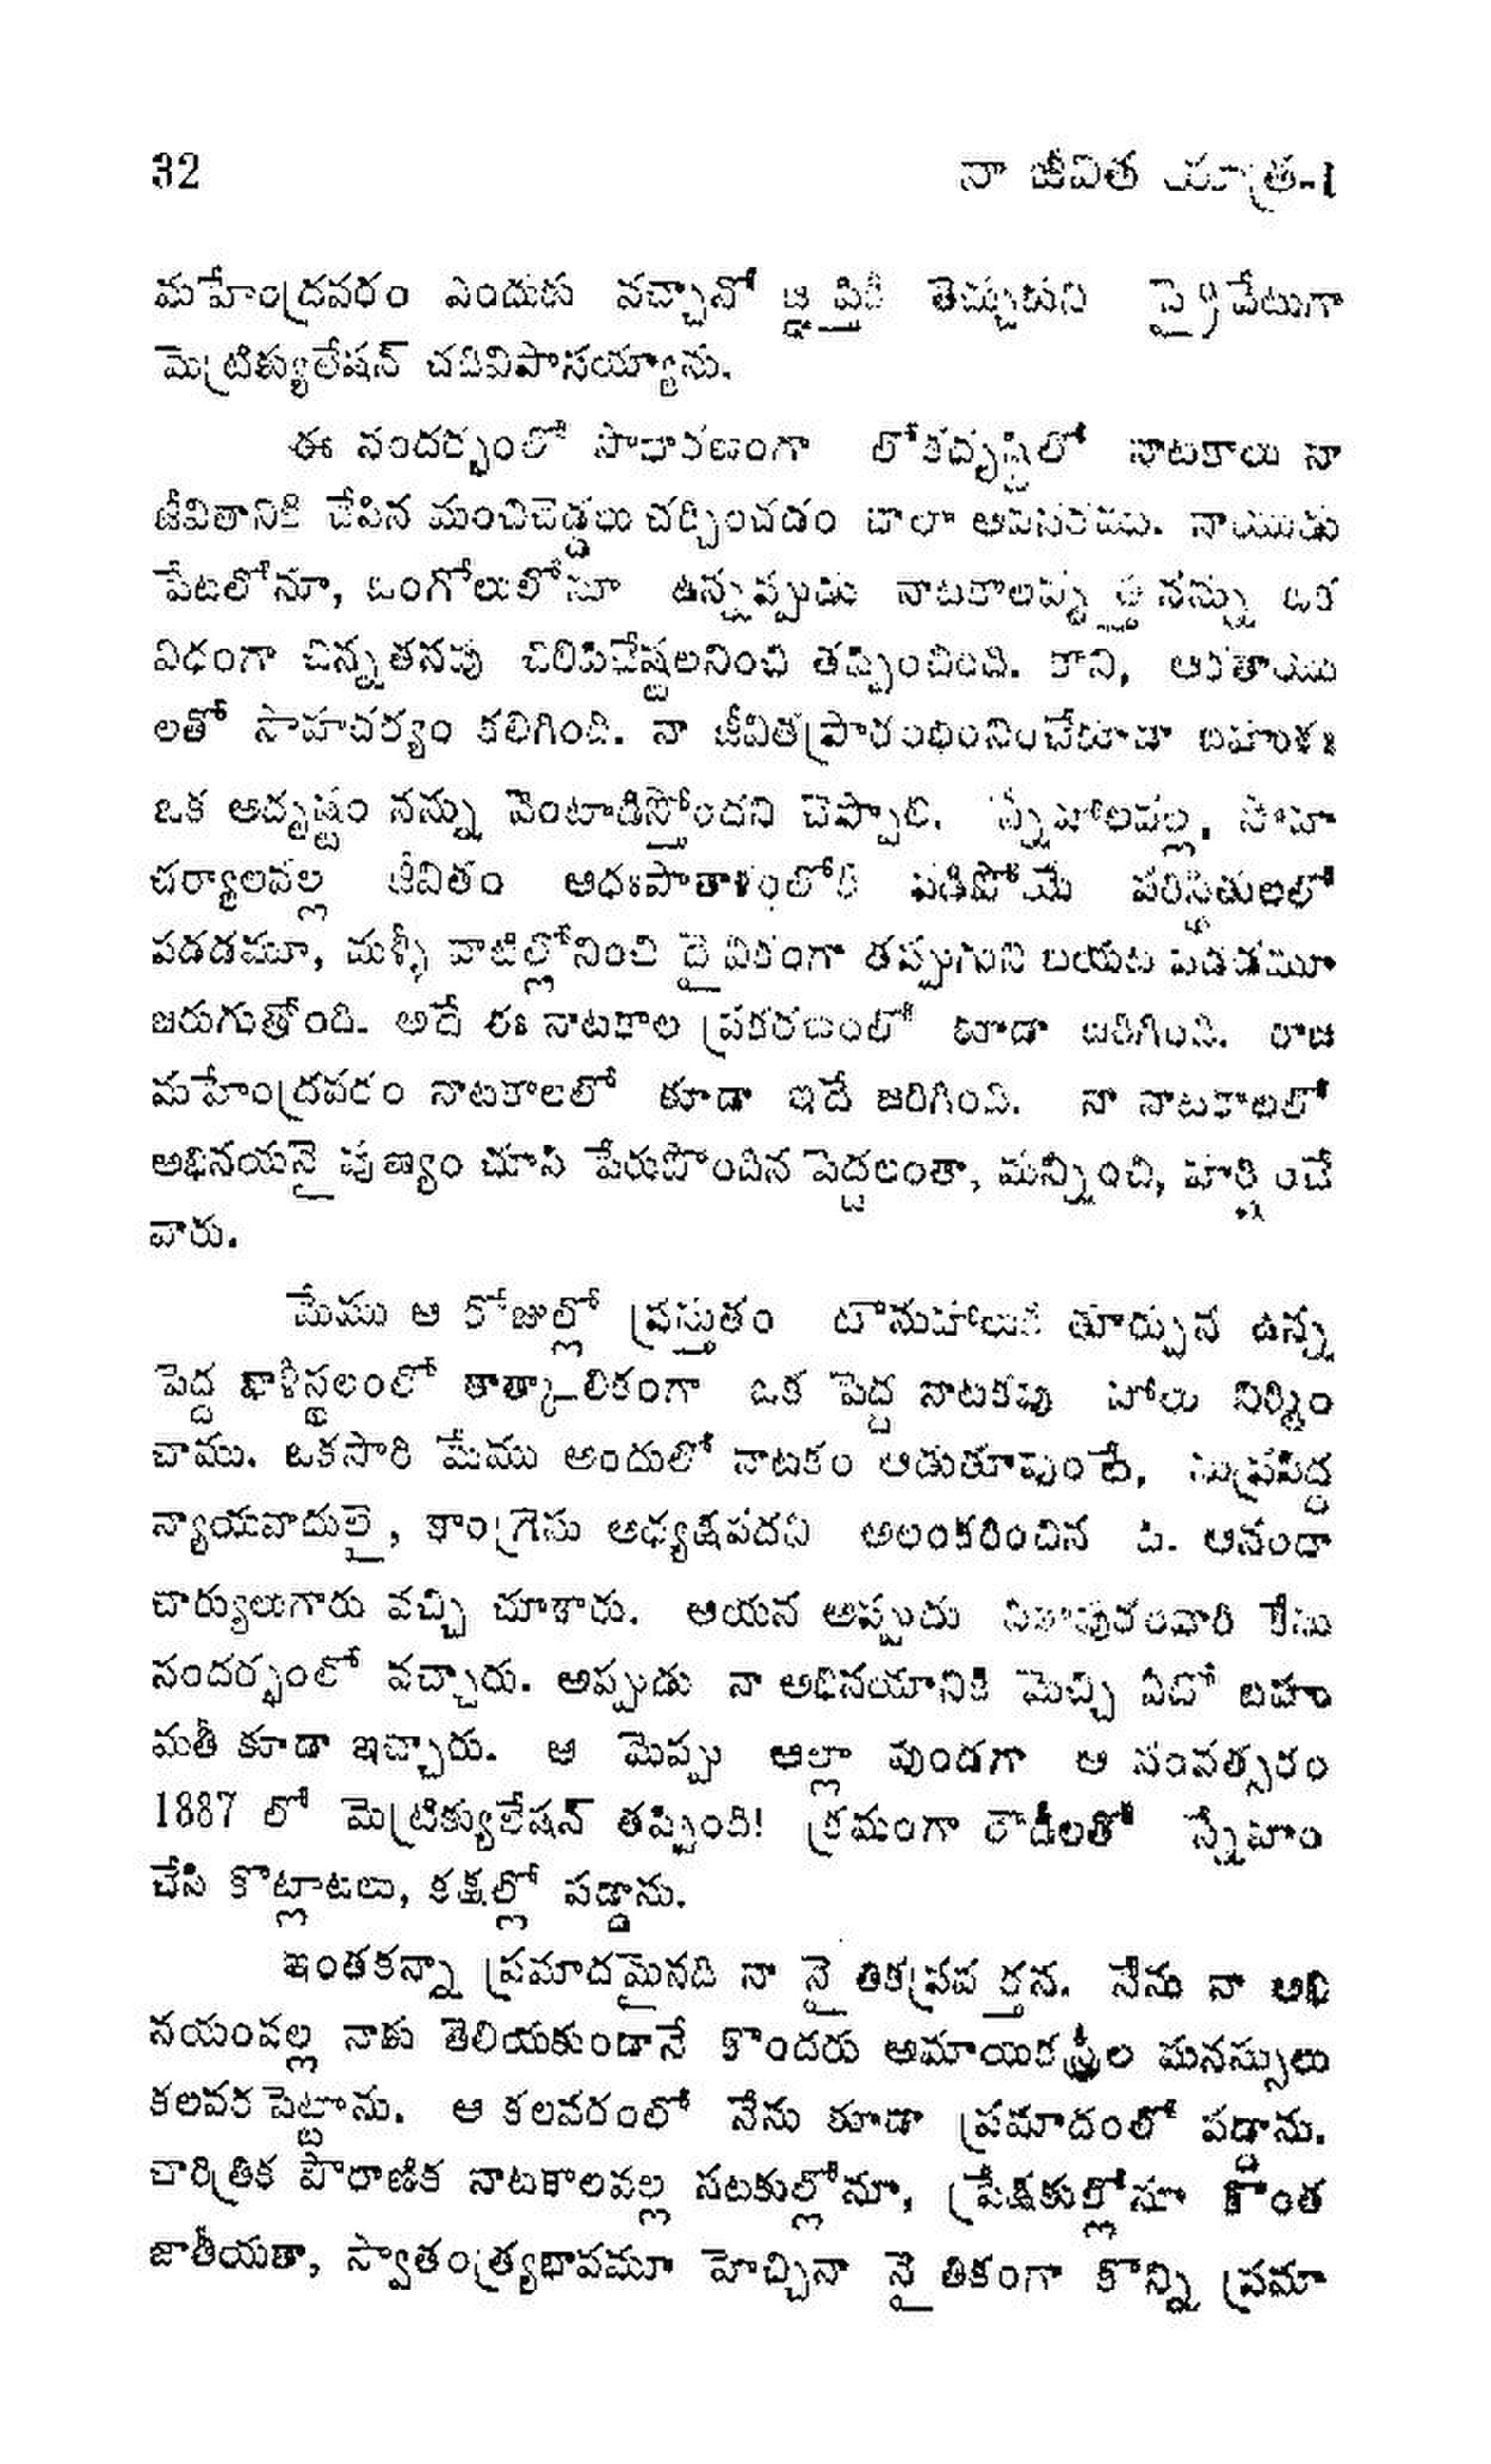మహేంద్రవరం ఎందుకు వచ్చానో జ్ఞప్తికి తెచ్చుకుని ప్రైవేటుగా మెట్రిక్యులేషన్ చదివిపాసయ్యాను.

ఈ సందర్భంలో సాధారణంగా లోకదృష్టిలో నాటకాలు నా జీవితానికి చేసిన మంచిచెడ్డలు చర్చించడం చాలా అవసరము. నాయుడుపేటలోనూ, ఒంగోలులోనూ ఉన్నప్పుడు నాటకాలవృత్తి నన్ను ఒక విధంగా చిన్నతనపు చిలిపిచేష్టలనించి తప్పించింది. కాని, ఆకతాయులతో సాహచర్యం కలిగింది. నా జీవితప్రారంభం నించేకూడా బహుశ: ఒక అదృష్టం నన్ను వెంటాడిస్తోందని చెప్పాలి. స్నేహాలవల్ల, సాహచర్యాలవల్ల జీవితం అధ:పాతాళంలోకి పడిపోయే పరిస్థితులలో పడడమూ, మళ్ళీ వాటిల్లోనించి దైవికంగా తప్పుగుని బయట పడడమూ జరుగుతోంది. అదే ఈ నాటకాల ప్రకరణంలో కూడా జరిగింది. రాజమహేంద్రవరం నాటకాలలో కూడా ఇదే జరిగింది. ఈ నాటకాలలో అభినయనైపుణ్యం చూసి పేరుపొందిన పెద్దలంతా, మన్నించి, హర్షించేవారు.

మేము ఆ రోజుల్లో ప్రస్తుతం టౌనుహాలుకు తూర్పున ఉన్న పెద్ద ఖాళీస్థలంలో తాత్కాలికంగా ఒక పెద్ద నాటకపు హాలు నిర్మించాము. ఒకసారి మేము అందులో నాటకం ఆడుతూవుంటే, సుప్రసిద్ధన్యాయవాదులై, కాంగ్రెసు అధ్యక్షపదవి అలంకరించిన పి. ఆనందాచార్యులుగారు వచ్చి చూశారు. ఆయన అప్పుడు పిఠాపురంవారి కేసు సందర్భంలో వచ్చారు. అప్పుడు నా అభినయానికి మెచ్చి ఏదో బహుమతీ కూడా ఇచ్చారు. ఆ మెప్పు అల్లా వుండగా ఆ సంవత్సరం 1887 లో మెట్రిక్యులేషన్ తప్పించి! క్రమంగా రౌడీలతో స్నేహం చేసి కొట్లాటలు, కక్షల్లో పడ్డాను.

ఇంతకన్నా ప్రమాదమైనది నా నైతికప్రవర్తన. నేను నా అభినయంవల్ల నాకు తెలియకుండానే కొందరు అమాయికస్త్రీల మనస్సులు కలవర పెట్టాను. ఆ కలవరంలో నేను కూడా ప్రమాదంలో పడ్డాను. చారిత్రిక పౌరాణిక నాటకాలవల్ల నటకుల్లోనూ, ప్రేక్షకుల్లోనూ కొంత జాతీయతా, స్వాతంత్ర్యభావమూ హెచ్చినా నైతికంగా కొన్ని ప్రమా